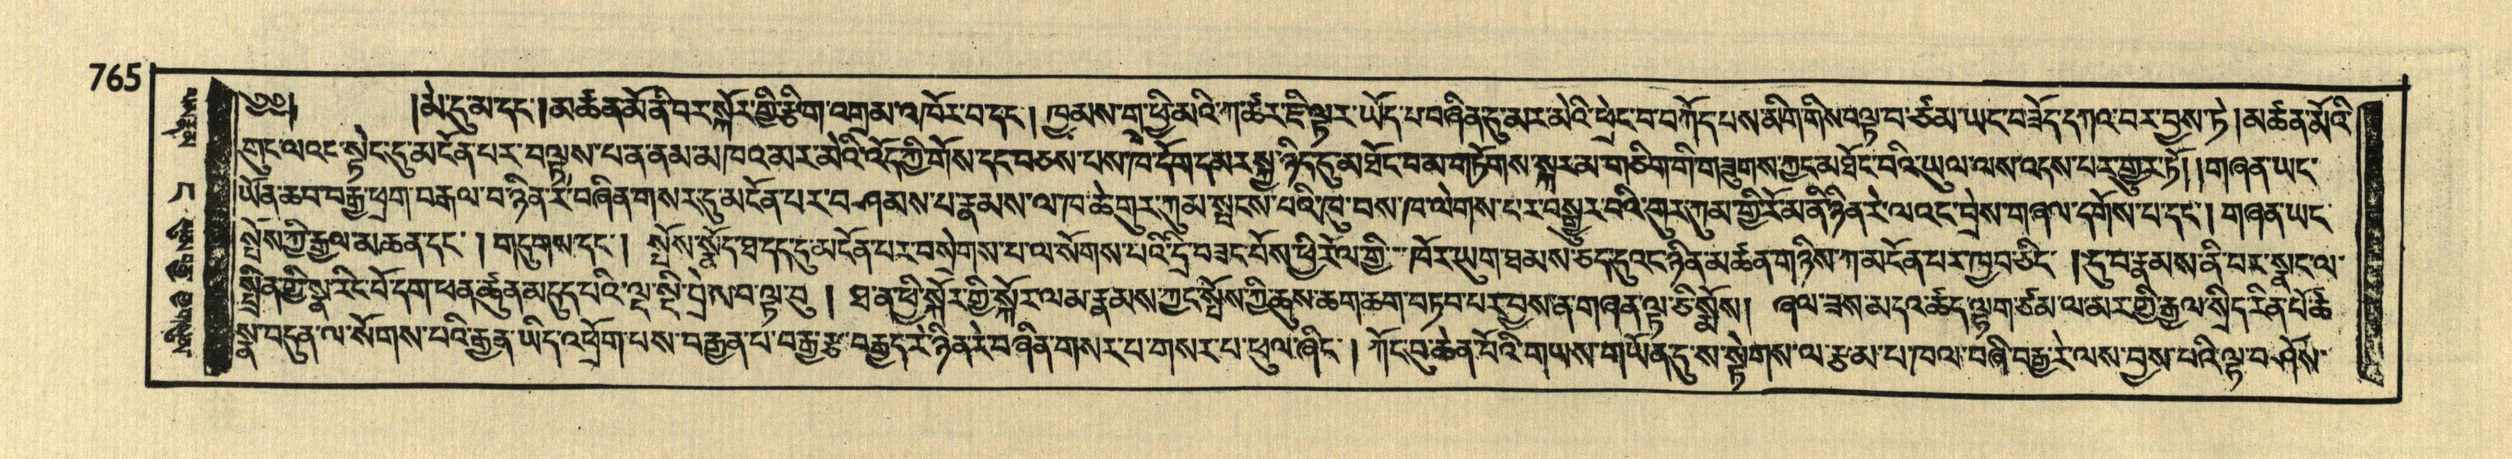༄༅། །མེ་དུ་མ་དང་། མཚན་མོ་ནི་བར་སྐོར་གྱི་རྩིག་འགྲམ་འཁོར་བ་དང་། ཁྱམས་གྲྭ་ཕྱི་མའི་ཀ་ཚར་ཇི་ལྟར་ཡོད་པ་བཞིན་དུ་མར་མེའི་ཕྲེང་བ་བཀོད་པས་མིག་གིས་བལྟ་བ་ཙམ་ཡང་བཟོད་དཀའ་བར་བྱས་ཏེ། མཚན་མོའི་
གུང་ལའང་སྟེང་དུ་མངོན་པར་བལྟས་པ་ན་ནམ་མཁའ་མར་མེའི་འོད་ཀྱི་གོས་དང་བཅས་པས་ཁ་དོག་དམར་སྐྱ་ཉིད་དུ་མཐོང་བ་མ་གཏོགས་སྐར་མ་གཅིག་གི་གཟུགས་ཀྱང་མཐོང་བའི་ཡུལ་ལས་འདས་པར་གྱུར་ཏོ། །གཞན་ཡང་
ཡོན་ཆབ་བརྒྱ་ཕྲག་བརྒལ་བ་ཉིན་རེ་བཞིན་གསར་དུ་མངོན་པར་བཤམས་པ་རྣམས་ལ་ཁ་ཆེ་གུར་ཀུམ་སྤངས་པའི་ཁུ་བས་ཁ་ལེགས་པར་བསྒྱུར་བའི་གུར་ཀུམ་གྱི་རོ་མ་ནི་ཉིན་རེ་ལའང་བྲེས་གཞལ་དགོས་པ་དང་། གཞན་ཡང་
སྤོས་ཀྱི་རྒྱལ་མཆན་དང་། གདུགས་དང་། སྤོས་སྣོད་ཐ་དད་དུ་མངོན་པར་བསྲེགས་པ་ལ་སོགས་པའི་དྲི་བཟང་པོས་ཕྱི་རོལ་གྱི་ཁོར་ཡུག་ཐམས་ཅད་དུའང་ཉིན་མཚན་གཉིས་ཀ་མངོན་པར་ཁྱབ་ཅིང་།དུ་བ་རྣམས་ནི་བར་སྣང་ལ་
སྤྲིན་གྱི་སྣ་རིང་བོ་དག་ཕན་ཚུན་མདུད་པའི་ལྔ་སྡི་བྲེས་བ་ལྟ་བུ། ཐ་ན་ཕྱི་སྐོར་གྱི་སྐོར་ལམ་རྣམས་ཀྱང་སྤོས་ཀྱི་ཆུས་ཆག་ཆག་བཏབ་པར་བྱས་ན་གཞན་ལྟ་ཅི་སྨོས། ཞལ་ཟས་མདའ་ཚད་ལྷག་ཙམ་ལ་མར་གྱི་རྒྱལ་སྲིད་རིན་པོ་ཆེ་
སྣ་བདུན་ལ་སོགས་པའི་རྒྱན་ཡིད་འཕྲོག་པས་བརྒྱན་པ་བརྒྱ་རྩ་བརྒྱད་རེ་ཉིན་རེ་བཞིན་གསར་པ་གསར་པ་ཕུལ་ཞིང་། ཀོང་བུ་ཆེན་པོའི་གཡས་གཡོན་དུ་ས་སྟེགས་ལ་རྩམ་པ་ཁལ་བཞི་བརྒྱ་རེ་ལས་བྱས་པའི་ལྷ་བཤོས་